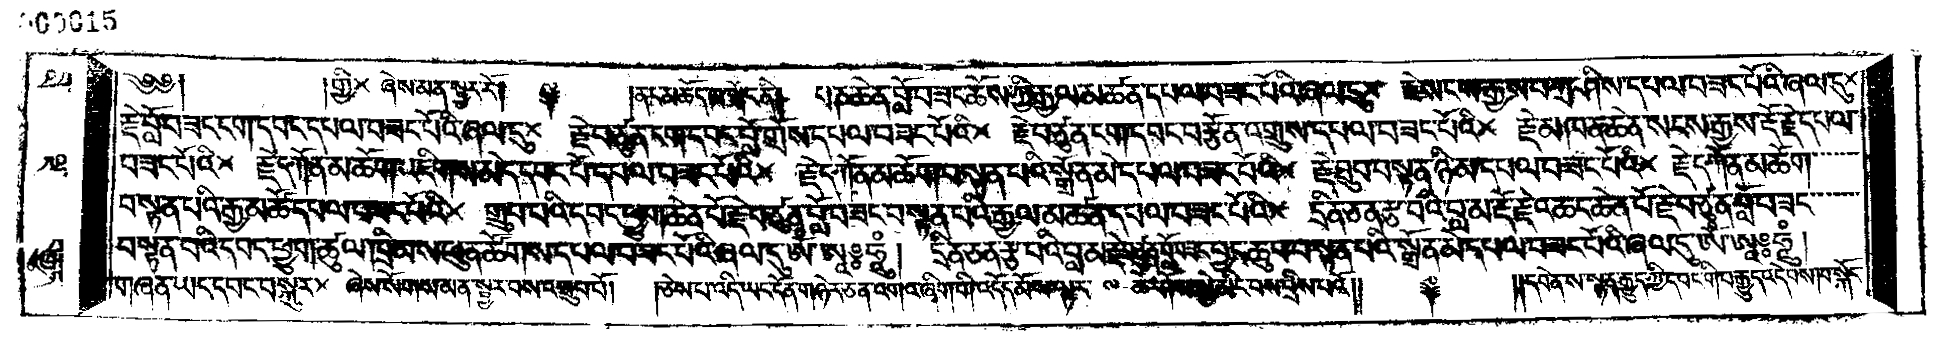༄༅། །གྱི྾་ཞེས་མན་སྦྱར་རོ། ༈ །ནང་མཆོད་ཁ་སྐོང་ནི།  པཎ་ཆེན་བློ་བཟང་ཆོས་ཀྱི་རྒྱལ་མཚན་དཔལ་བཟང་པོའི་ཞལ་དུ྾་རྗེ་སངས་རྒྱས་བཀྲ་ཤིས་དཔལ་བཟང་པོའི་ཞལ་དུ྾་
རྗེ་བློ་བཟང་ངག་དབང་དཔལ་བཟང་པོའི་ཞལ་དུ྾་རྗེ་བཙུན་ངག་དབང་བློ་གྲོས་དཔལ་བཟང་པོའི྾་རྗེ་བཙུན་ངག་དབང་བརྩོན་འགྲུས་དཔལ་བཟང་པོའི྾་རྗེ་མཁན་ཆེན་སངས་རྒྱས་རྡོ་རྗེ་དཔལ་
བཟང་པོའི྾་རྗེ་དཀོན་མཆོག་འཇིགས་མེད་དབང་པོ་དཔལ་བཟང་པོའི྾་རྗེ་དཀོན་མཆོག་བསྟན་པའི་སྒྲོན་མེ་དཔལ་བཟང་པོའི྾་རྗེ་ཐུབ་བསྟན་ཉི་མ་དཔལ་བཟང་པོའི྾་རྗེ་དཀོན་མཆོག་
བསྟན་པའི་རྒྱ་མཚོ་དཔལ་བཟང་པོའི྾་གྲུབ་པའི་དབང་ཕྱུག་ཆེན་པོ་རྗེ་བཙུན་བློ་བཟང་བསྟན་པའི་རྒྱལ་མཚན་དཔལ་བཟང་པོའི྾་དྲིན་ཅན་རྩ་བའི་བླ་མ་རྡོ་རྗེ་འཆང་ཆེན་པོ་རྗེ་བཙུན་བློ་བཟང་
བསྟན་པའི་དབང་ཕྱུག་ཚུལ་ཁྲིམས་ཕུན་ཚོགས་དཔལ་བཟང་པོའི་ཞལ་དུ་ཨོཾ་ཨཱཿ ཧཱུཾ། དྲིན་ཅན་རྩ་བའི་བླ་མ་རྗེ་བཙུན་བློ་བཟང་བྱང་ཆུབ་བསྟན་པའི་སྒྲོན་མེ་དཔལ་བཟང་པོའི་ཞལ་དུ་ཨོཾ་ཨཱཿ ཧཱུཾ།
གཞན་ཡང་དབང་བསྐུར྾་ཞེས་སོགས་མན་སྦྱར་བས་འགྲུབ་པོ། །ཅེས་པ་འདི་ཡང་དོན་གཉེར་ཅན་འགའ་ཞིག་གི་འདོད་མོས་ལྟར་༧་ཆེ་ཤོས་སྐྱེ་མིང་བས་བྲིས་པའོ།། ༈ །།དབེན་ས་སྙན་རྒྱུད་ཀྱི་དབང་གི་བརྒྱུད་འདེབས་ཁ་སྐོང་